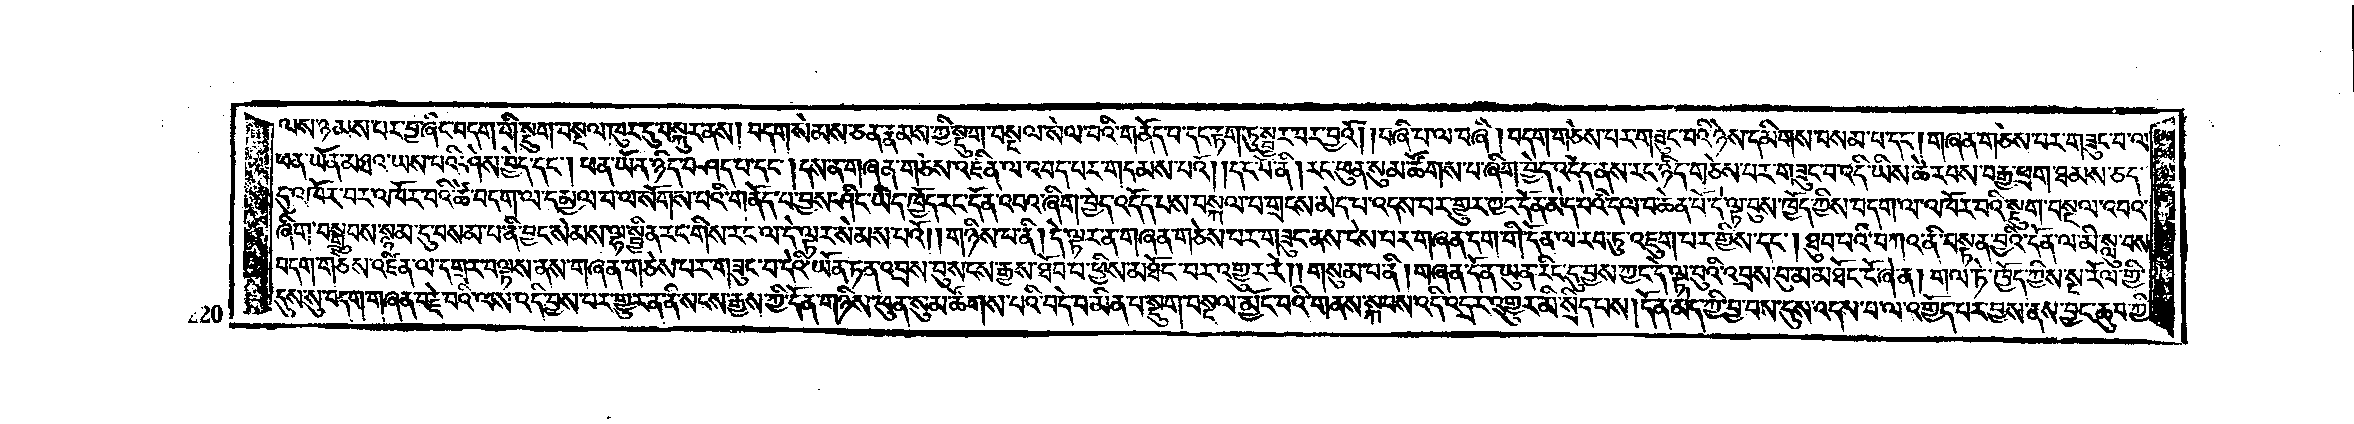ལས་ཉམས་པར་བྱ་ཞིང་བདག་གི་སྡུག་བསྔལ་ཁུར་དུ་བསྐུར་ནས། བདག་སེམས་ཅན་རྣམས་ཀྱི་སྡུག་བསྔལ་སེལ་བའི་གནོད་པ་དང་རྟག་ཏུ་སྦྱར་བར་བྱའོ། །བཞི་པ་ལ་བཞི། བདག་གཅེས་པར་གཟུང་བའི་ཉེས་དམིགས་བསམ་པ་དང་། གཞན་གཅེས་པར་གཟུང་བ་ལ་
ཕན་ཡོན་མཐའ་ཡས་པའི་ཤེས་བྱེད་དང་། ཕན་ཡོན་ཉིད་བཤད་པ་དང་། དེས་ན་གཞན་གཅེས་འཛིན་ལ་འབད་པར་གདམས་པའོ། །དང་པོ་ནི། རང་ཕུན་སུམ་ཚོགས་པ་ཞིག་བྱེད་འདོད་ནས་རང་ཉིད་གཅེས་པར་གཟུང་བ་འདི་ཡིས་ཚེ་རབས་བརྒྱ་ཕྲག་ཐམས་ཅད་
དུ་འཁོར་བར་འཁོར་བའི་ཚེ་བདག་ལ་དམྱལ་བ་ལ་སོགས་པའི་གནོད་པ་བྱས་ཤིང་ཡིད་ཁྱོད་རང་དོན་འབའ་ཞིག་བྱེད་འདོད་པས་བསྐལ་པ་གྲངས་མེད་པ་འདས་པར་གྱུར་ཀྱང་དོན་མེད་པའི་དལ་བ་ཆེན་པོ་དེ་ལྟ་བུས་ཁྱོད་ཀྱིས་བདག་ལ་འཁོར་བའི་སྡུག་བསྔལ་འབའ་
ཞིག་བསྒྲུབས་སྙམ་དུ་བསམ་པ་ནི་བྱང་སེམས་ལྷ་སྦྱིན་རང་གིས་རང་གི་རང་དེ་ལྟར་སེམས་པའོ། །གཉིས་པ་ནི། དེ་ལྟར་ན་གཞན་གཅེས་པར་གཟུང་ནས་ངེས་པར་གཞན་དག་གི་དོན་ལ་རབ་ཏུ་འཇུག་པར་གྱིས་དང་། ཐུག་པའི་བཀའ་ནི་བསྟན་བྱའི་དོན་ལ་མི་སླུ་བས་
བདག་གཅེས་འཛིན་ལ་དགྲར་བལྟས་ནས་གཞན་གཅེས་པར་གཟུང་བ་དེའི་ཡོན་ཏན་འབྲས་བུ་སངས་རྒྱས་ཐོབ་པ་ཕྱིས་མཐོང་བར་འགྱུར་རོ། །གསུམ་པ་ནི། གཞན་དོན་ཡུན་རིང་དུ་བྱས་ཀྱང་དེ་ལྟ་བུའི་འབྲས་བུ་མ་མཐོང་ངོ་ཞེ་ན། གལ་ཏེ་ཁྱོད་ཀྱིས་སྔ་རོལ་གྱི་
དུས་སུ་བདག་གཞན་བརྗེ་པའི་ལས་འདི་བྱས་པར་གྱུར་ན་ནི་སངས་རྒྱས་ཀྱི་དོན་གཉིས་ཕུན་སུམ་ཚོགས་པའི་བདེ་བ་མིན་པ་སྡུག་བསྔལ་མྱོང་བའི་གནས་སྐབས་འདི་འདྲར་འགྱུར་མི་སྲིད་པས། དོན་མེད་ཀྱི་བྱ་བས་དུས་འདས་པ་ལ་འགྱོད་པར་བྱས་ནས་བྱང་ཆུབ་ཀྱི་